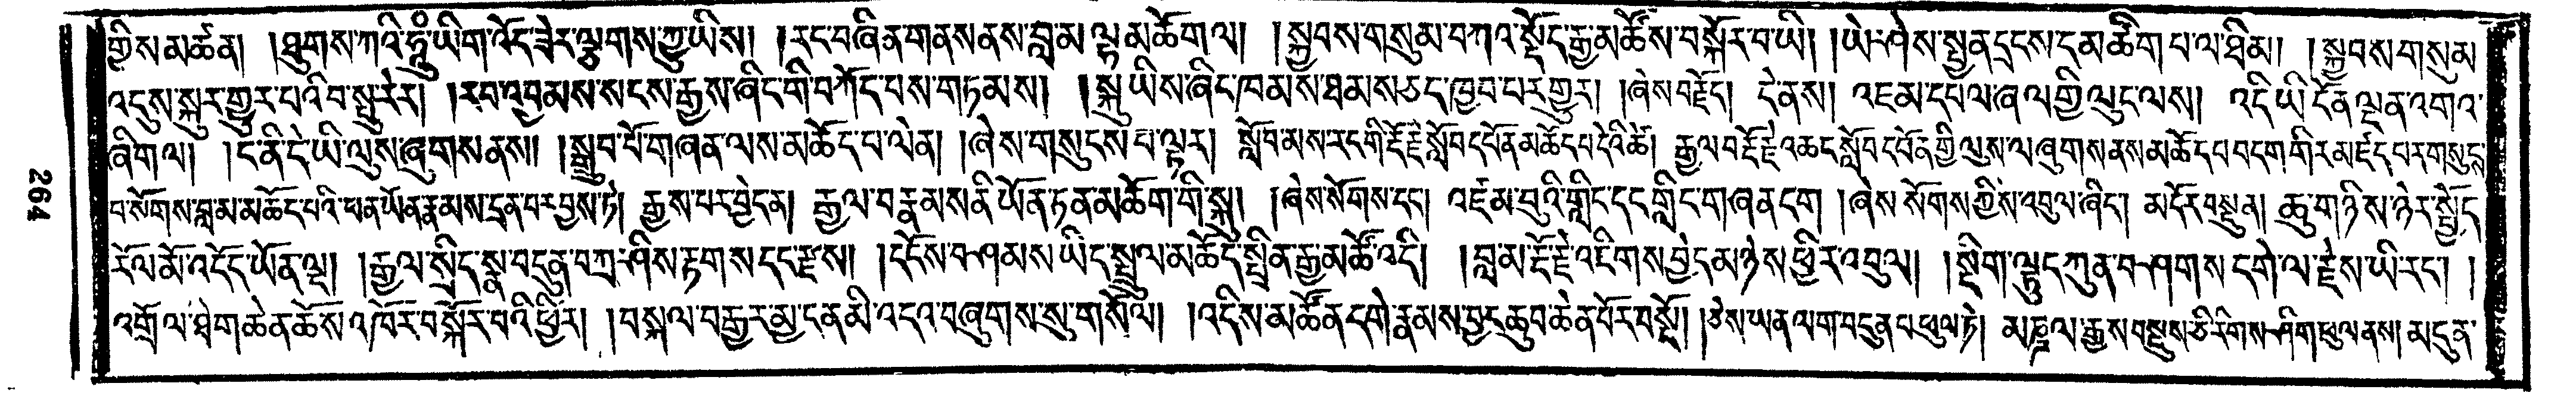གྱིས་མཚན། །ཐུགས་ཀའི་ཧཱུཾ་ཡིག་འོད་ཟེར་ལྕགས་ཀྱུ་ཡིས། །རང་བཞིན་གནས་ནས་བླ་མ་ལྷ་མཆོག་ལ། །སྐྱབས་གསུམ་བཀའ་སྡོད་རྒྱ་མཚོས་བསྐོར་བ་ཡི། །ཡེ་ཤེས་སྤྱན་དྲངས་དམ་ཚིག་པ་ལ་ཐིམ། །སྐྱབས་གསུམ་
འདུས་སྐུར་གྱུར་པའི་བ་སྤུ་རེར། །རབ་འབྱམས་སངས་རྒྱས་ཞིང་གི་བཀོད་པས་གཏམས། །སྐུ་ཡིས་ཞིང་ཁམས་ཐམས་ཅད་ཁྱབ་པར་གྱུར། །ཞེས་བརྗོད། དེ་ནས། འཇམ་དཔལ་ཞལ་གྱི་ལུང་ལས། འདི་ཡི་དོན་ལྡན་འགའ་
ཞིག་ལ། །ད་ནི་དེ་ཡི་ལུས་ཞུགས་ནས། །སྒྲུབ་པོ་གཞན་ལས་མཆོད་པ་ལེན། །ཞེས་གསུངས་པ་ལྟར། སློབ་མས་རང་གི་རྡོ་རྗེ་སློབ་དཔོན་མཆོད་པ་དེའི་ཚེ། རྒྱལ་བ་རྡོ་རྗེ་འཆང་སློབ་དཔོན་གྱི་ལུས་ལ་ཞུགས་ནས་མཆོད་པ་བདག་གིར་མཛད་པར་གསུངས་
བ་སོགས་བླ་མ་མཆོད་པའི་ཕན་ཡོན་རྣམས་དྲན་པར་བྱས་ཏེ། རྒྱས་པར་བྱེད་ན། རྒྱལ་བ་རྣམས་ནི་ཡོན་ཏན་མཆོག་གི་སྐུ། །ཞེས་སོགས་དང་། འཛམ་བུའི་གླིང་དང་གླིང་གཞན་དག །ཞེས་སོགས་ཀྱིས་འབུལ་ཞིང་། མདོར་བསྡུ་ན། ཆུ་གཉིས་ཉེར་སྤྱོད་
རོལ་མོ་འདོད་ཡོན་ལྔ། །རྒྱལ་སྲིད་སྣ་བདུན་བཀྲ་ཤིས་རྟགས་དང་རྫས། །དངོས་བཤམས་ཡིད་སྤྲུལ་མཆོད་སྤྲིན་རྒྱ་མཚོ་འདི། །བླ་མ་རྡོ་རྗེ་འཇིགས་བྱེད་མཉེས་ཕྱིར་འབུལ། །སྡིག་ལྟུང་ཀུན་བཤགས་དགེ་ལ་རྗེས་ཡི་རང་། །
འགྲོ་ལ་ཐེག་ཆེན་ཆོས་འཁོར་བསྐོར་བའི་ཕྱིར། །བསྐལ་བརྒྱར་མྱ་ངན་མི་འདའ་བཞུགས་སུ་གསོལ། །འདིས་མཚོན་དགེ་རྣམས་བྱང་ཆུབ་ཆེན་པོར་བསྔོ། །ཅེས་ཡན་ལག་བདུན་པ་ཕུལ་ཏེ། མཎྜལ་རྒྱས་བསྡུས་ཅི་རིགས་ཤིག་ཕུལ་ནས། མདུན་